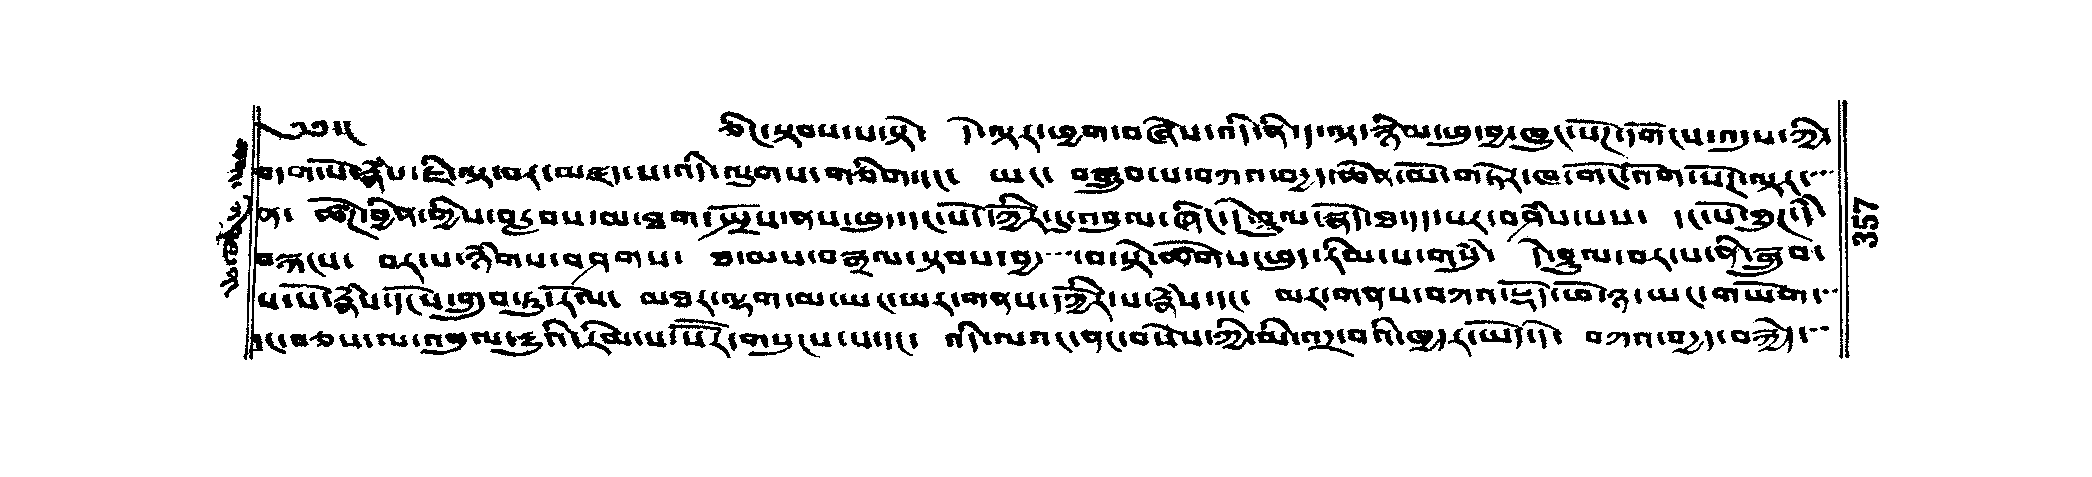ཅིང་སྟབས་པ་དེར། དེ་ལྟར་ཕྱག་བཞེས་འདི་ནི་ད་ལྟ་སྙིམ་ཕུ་བྱ་ཁྱུང་སོགས་དགོངས་འདུས་ཀྱི་
བདག་པོ་རྣམས་ཇི་ལྟ་བར་མཛད་པ་འདི་ལུགས་གཅིག་ཡང་། བསྒྲུབ་པ་བཀའ་བརྒྱད་ཆེན་མོ་གཏེར་ཁ་གོང་འོག་སོགས་ལྟར་
ན། ཚོགས་བྱིན་གྱིས་བརླབ་མ་ཐག་སྤྲོས་ནས་ཕུད་དང་པོ་དཀྱིལ་འཁོར་དུ་འབུལ་ཞིང་དེ་ཤུལ་སྣོད་ཐ་དད་པར་བཤམས་པས། དང་པོ་ཐུགས་དམ་
བསྐངས། བར་པ་ཉམས་བཤགས། ཐ་མས་བསྒྲལ་སྟབས་བྱ་བ་སྟེ་ཚོགས་ཕུད་རིམ་པ་གསུམ། དེ་ཤུལ་བར་པ་ནི་སྒྲུབ་
པ་པོ་རྣམས་དངོས་གྲུབ་ཏུ་རོལ། མཐར་ལྷག་མ་ཡང་ཡར་གནས་དཀྱིལ་འཁོར་པ་རྣམས་དང་། མར་གནས་བཀའ་སྡོད་ཕོ་ཉ་ཡང་གཡོག་
དང་བཅས་ལ་འབུལ་རྒྱུའི་རིམ་པ་སོ་སོར་གསུངས་པ་དང་། འདི་ལའང་ནང་གསེས་ཀྱི་མི་འདྲ་བའི་ཁྱད་པར་ཡོད་དེ། བཀའ་བརྒྱད་བསྐྱེད་